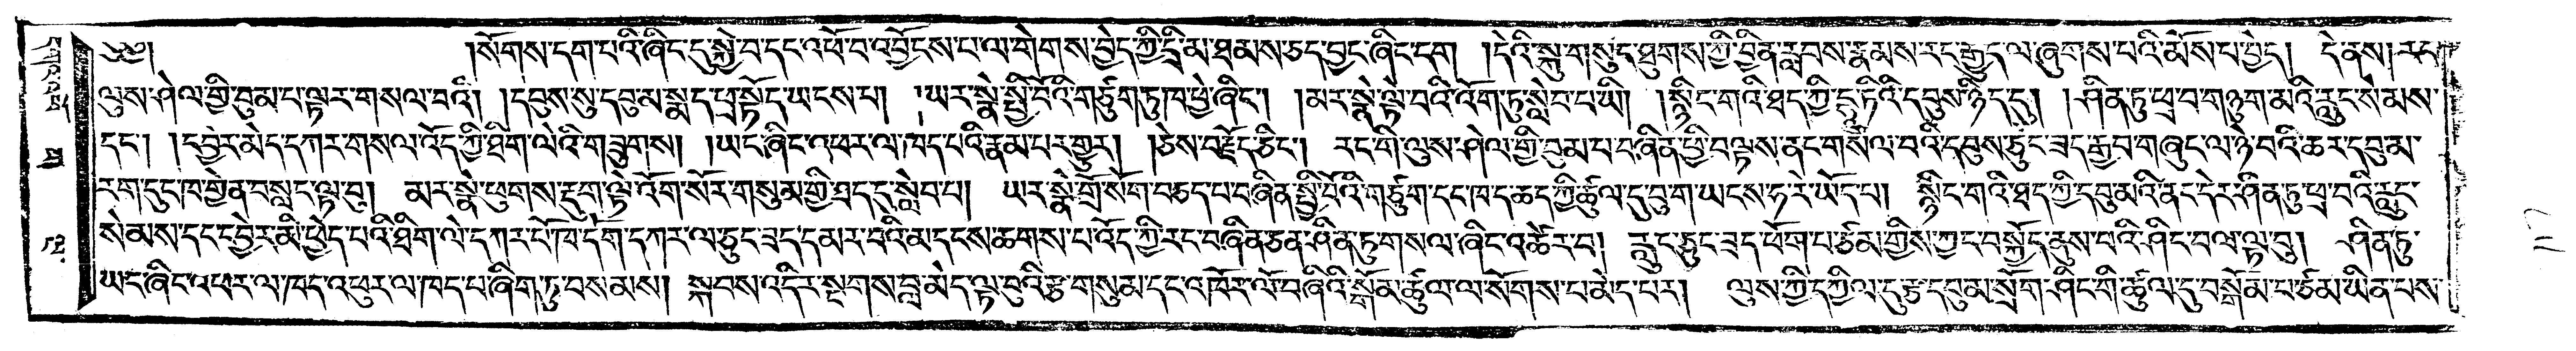༄༅། །སོགས་དག་པའི་ཞིང་དུ་སྐྱེ་བ་དང་འཕོ་བ་འབྱོངས་པ་ལ་གེགས་བྱེད་ཀྱི་དྲི་མ་ཐམས་ཅད་བྱང་ཞིང་དང་། །དེའི་སྐུ་གསུང་ཐུགས་ཀྱི་བྱིན་རླབས་རྣམས་རང་རྒྱུད་ལ་ཞུགས་པའི་མོས་པ་བྱེད། དེ་ནས། རང་
ལུས་ཤེལ་གྱི་བུམ་པ་ལྟར་གསལ་བའི། །དབུས་སུ་དབུ་མ་སྨད་ཕྲ་སྟོང་ཡངས་པ། །ཡར་སྣེ་སྤྱི་བོའི་གཙུག་ཏུ་ཁ་ཕྱེ་ཞིང་། །མར་སྣེ་ལྟེ་བའི་འོག་ཏུ་སླེབ་པ་ཡི། །སྙིང་གའི་ཐད་ཀྱི་དྷཱུ་ཏིའི་དབུས་ཉིད་དུ། །ཤིན་ཏུ་ཕྲ་བ་གཉུག་མའི་རླུང་སེམས་
དང་། །དབྱེར་མེད་དཀར་གསལ་འོད་ཀྱི་ཐིག་ལེའི་གཟུགས། །ཡང་ཞིང་འཕར་ལ་ཁད་པའི་རྣམ་པར་འགྱུར། །ཅེས་བརྗོད་ཅིང་། རང་གི་ལུས་ཤེལ་གྱི་བུམ་པ་བཞིན་ཕྱི་བལྟས་ནང་གསལ་བའི་དབུས་ཅུང་ཟད་རྒྱབ་གཞུང་ལ་ཉེ་བའི་ཆར་དབུ་མ་
རག་དུང་ཁ་གྱེན་བསླང་ལྟ་བུ། མར་སྣེ་ཕུགས་རྡུག་ལྟེ་འོག་སོར་གསུམ་གྱི་ཐད་དུ་སླེབ་བ། ཡར་སྣེ་གྲོ་སོག་བཅད་པ་བཞིན་སྤྱི་བོའི་གཙུག་དང་ཁ་ད་ཆད་ཀྱི་ཚུལ་དུ་བུ་ག་ཡངས་ཧ་རེ་ཡོད་པ། སྙིང་གའི་ཐད་ཀྱི་དབུ་མའི་ནང་དེར་ཤིན་ཏུ་ཕྲ་བའི་རླུང་
སེམས་དང་དབྱེར་མི་ཕྱེད་པའི་ཐིག་ལེ་དཀར་པོ་ཁ་དོག་དཀར་ལ་ཅུང་ཟད་དམར་བའི་མདངས་ཆགས་པ་འོད་ཀྱི་རང་བཞིན་ཅན་ཤིན་ཏུ་གསལ་ཞིང་འཚེར་བ། རླུང་ཅུང་ཟད་ཕོག་པ་ཙམ་གྱིས་ཀྱང་བསྐྱོད་ནུས་པའི་ཤིང་པ་ལ་ལྟ་བུ། ཤིན་ཏུ་
ཡང་ཞིང་འཕར་ལ་ཁད་འཕུར་ལ་ཁད་པ་ཞིག་ཏུ་བསམས། སྐབས་འདིར་སྔགས་བླ་མེད་ལྟ་བུའི་རྩེ་གསུམ་དང་འཁོར་ལོ་བཞིའི་སྒོམ་ཚུལ་ལ་སོགས་པ་མེད་པར། ལུས་ཀྱི་དཀྱིལ་དུ་རྩ་དབུ་མ་སྲོག་ཤིང་གི་ཚུལ་དུ་བསྒོམ་པ་ཙམ་ཡིན་པས་